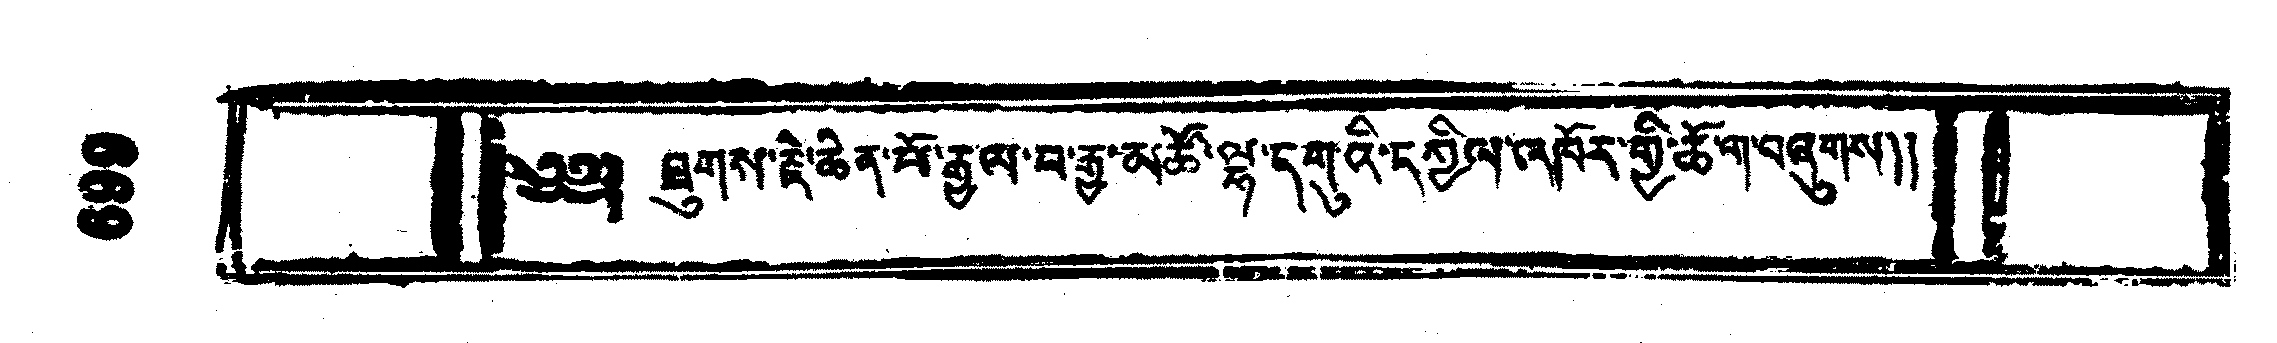༄༅། །ཐུགས་རྗེ་ཆེན་པོ་རྒྱལ་བ་རྒྱ་མཚོ་ལྷ་དགུའི་དཀྱིལ་འཁོར་གྱི་ཆོ་ག་བཞུགས།།